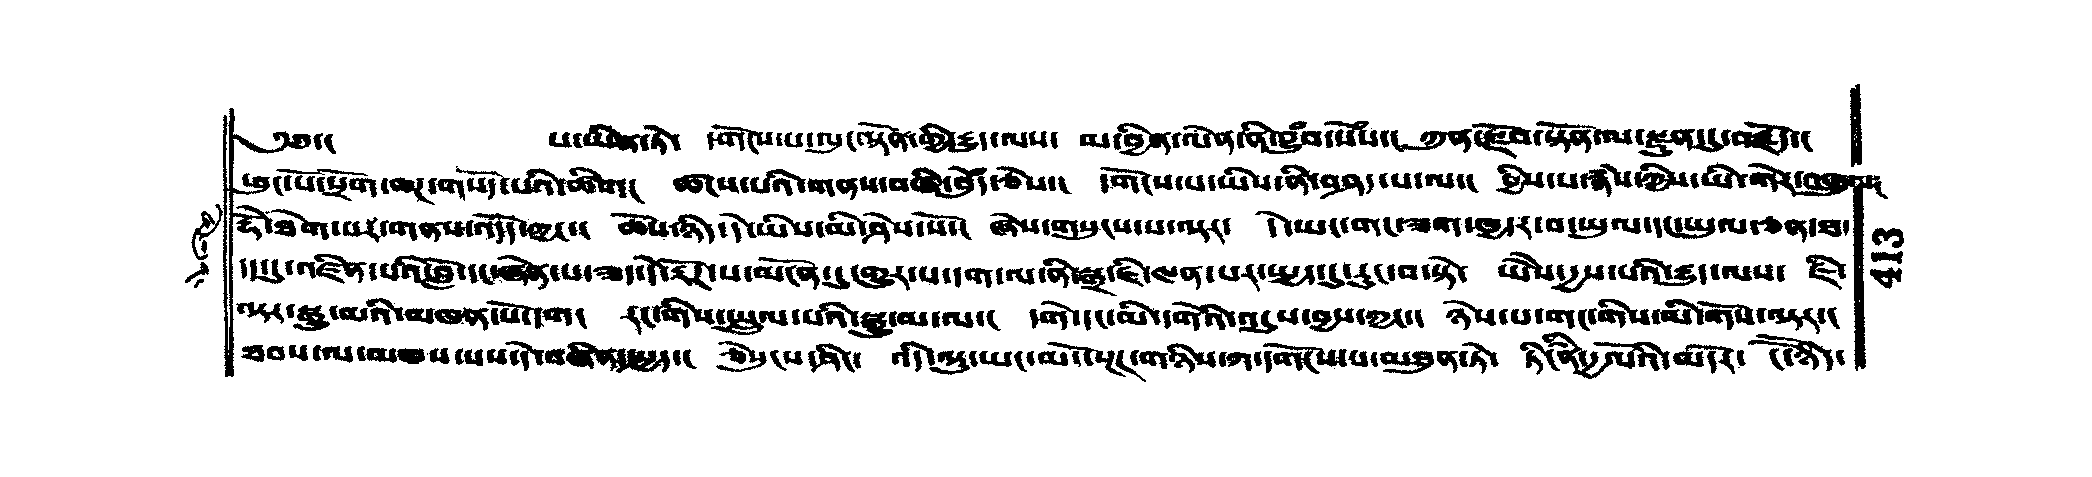པ་ཡིན་ཏེ། དགོངས་པ་ལུང་སྟོན་གྱི་རྒྱུད་ལས། མ་བྱིན་ལེན་ནི་བྱང་ཆུབ་སེམས། །ཀུན་རྫོབ་སྟོན་ལ་རྫུན་དུ་བརྗོད། །
ཕུང་པོ་སྲོག་ཆགས་གསོད་པའི་ཚིག། ཚངས་པའི་གནས་བཞི་བུད་མེད་ཅེས། །དགོངས་པ་ཡིས་ནི་བཤད་པ་ལ། །བྱིས་པ་རྣམས་ཀྱི་ཡི་གེར་འཁྲུལ། །
རྡོ་རྗེ་ཐེག་པར་གནས་འདོད་ཀྱང་། །ཆོས་ཉིད་དེ་ཡིས་མི་ཤེས་སོ། ཞེས་གསུངས་པ་ལྟར། དེ་ཡང་གང་ཟག་ཁྱད་པར་བ་ཡུལ་དང་ཡུལ་ཅན་ཐ་
དད་དུ་འཛིན་པའི་བློ་དང་ཞེན་པ་ཟད་དེ་རྟོགས་པ་མངོན་དུ་གྱུར་པ་དག་ལ་ནི་སྒྲ་ཇི་བཞིན་པར་སྤྱད་དུ་རུང་བ་སྟེ། ཡེ་ཤེས་རྒྱས་པའི་རྒྱུད་ལས། ཇི་
ལྟར་སྒྱུ་མའི་མཁན་པོ་དག །རང་གིས་སྤྲུལ་པའི་སྒྱུ་མ་ལ། །དགེ་དང་མི་དགེའི་འདུས་བྱས་ཀྱང་། །ཉེས་པ་གང་གིས་མི་གོས་ལྟར། །
ཐབས་ལ་མཁས་པས་དེ་བཞིན་སྤྱད། ཅེས་གསུངས་ཤིང་། འདི་ལྟ་བུ་ཡང་མདོ་སྔགས་གཉིས་ཀ་དགོངས་པ་མཐུན་ཏེ། ཏིང་འཛིན་རྒྱལ་པོའི་མདོར། ངོ་བོ་ཉིད་